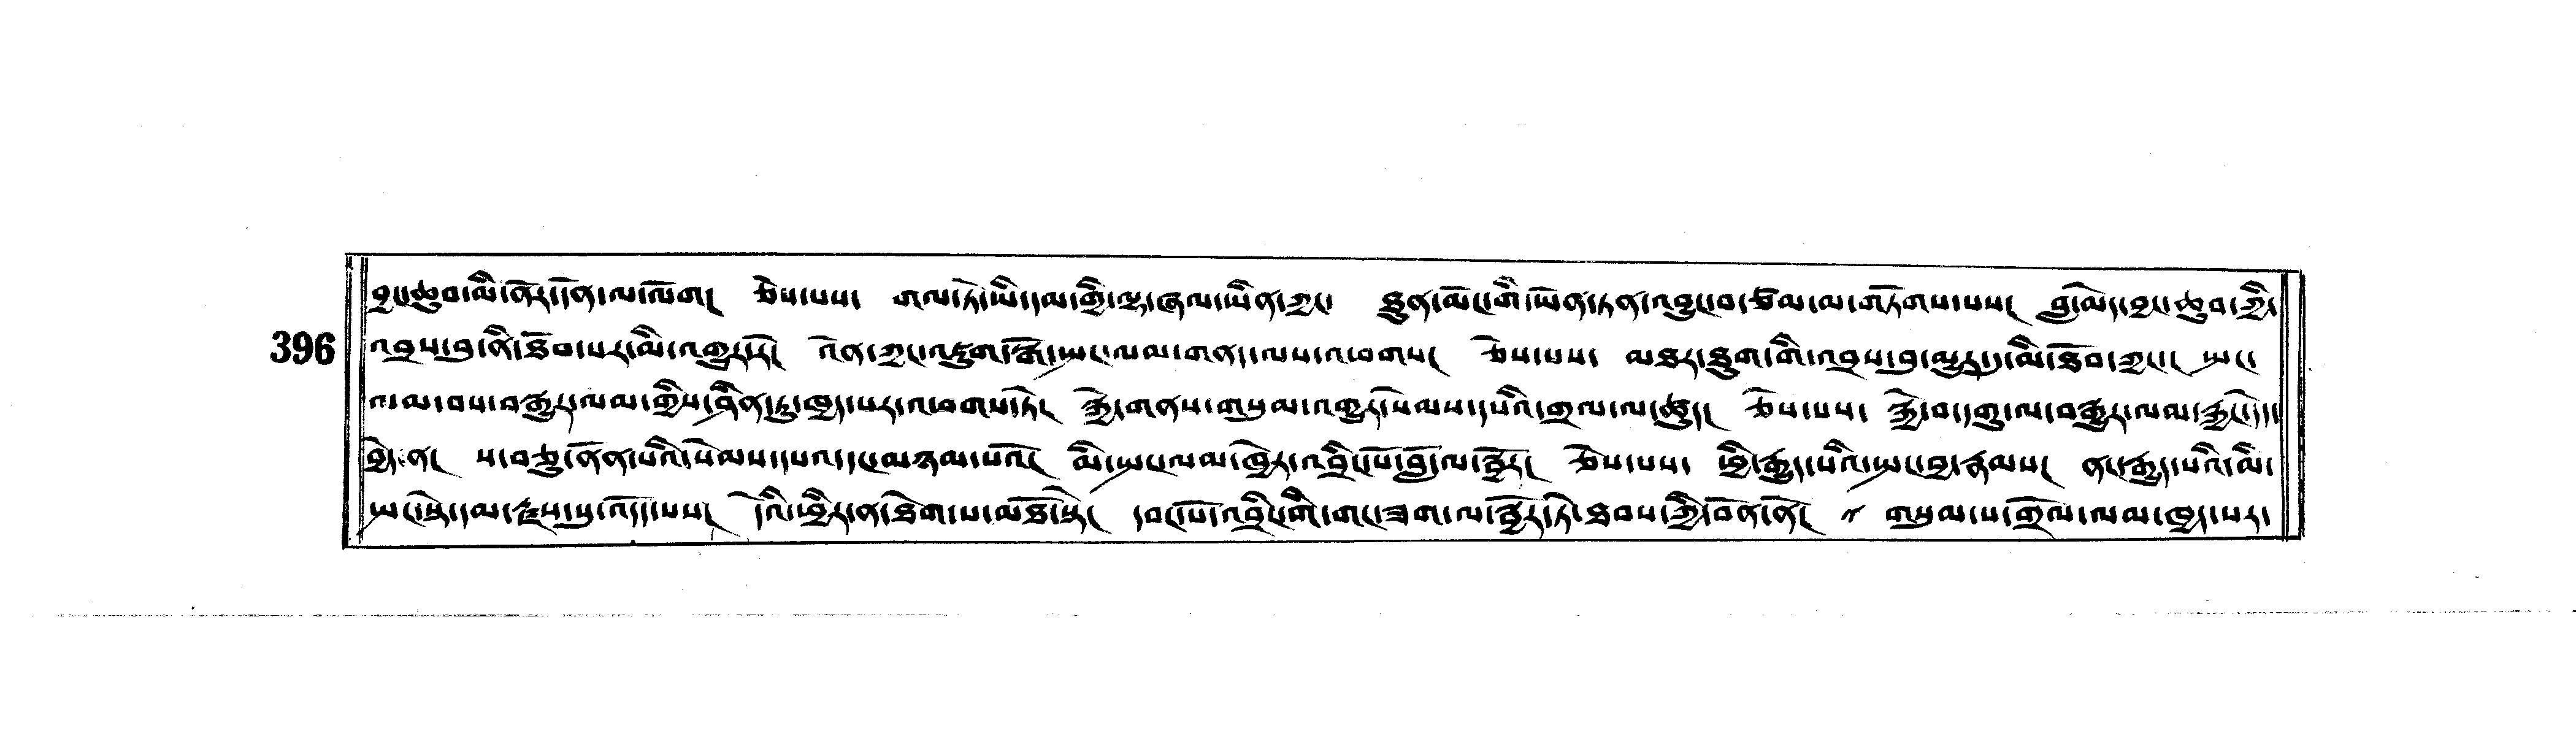བྱང་ཆུབ་མི་ནོར་དོན་ལ་ལོག གལ་ཏེ་ཡི་དམ་གྱི་ལྷ་ཞལ་ཡིན་ཀྱང་། ཐུན་མོང་གི་ཡོན་ཏན་འབྱུང་བ་ཙམ་མ་གཏོགས་པས། བླ་མེད་བྱང་ཆུབ་ཀྱི་
འབྲས་བུ་ནི་ཐོབ་པར་མི་འགྱུར་རོ། འོན་ཀྱང་འཇུག་སྒོ་སྤང་ལམ་གནད་ལས་འཕགས། ཅེས་པས། མཐར་ཐུག་གི་འབྲས་བུ་མྱུར་དུ་མི་འཐོབ་ཀྱང་། སྤང་
ལམ་བས་སྒྱུར་ལམ་གྱིས་ཤིན་ཏུ་ཁྱད་པར་འཕགས་ཏེ། སྐྱེ་གནས་གསུམ་འགྱུར་སེམས་དཔའི་གྲལ་ལ་ཚུད། ཅེས་པས། སྐྱེ་བ་དགུ་ལ་སྒྱུར་ལམ་རྐྱང་དེད་
བྱེད་ན། ས་བཅུ་ནོན་པའི་སེམས་དཔའ་དང་མཉམ་པའོ། མི་སྤང་ལམ་ཁྱེར་འབྲིང་པོ་བློ་ལ་སྦྱོར། ཅེས་པས། ཕྱི་རྒྱུད་པའི་སྤང་བྱ་རྣམས། ནང་རྒྱུད་པས་མི་
སྤང་སྟེ། དམ་རྫས་སུ་འདོད་པས། དེའི་ཕྱིར་ན་ཐེག་པ་མཐོ་སྟེ། དབང་པོ་འབྲིང་གི་གང་ཟག་ལ་སྦྱོར་ཏེ། ཐབས་ཀྱི་བོན་ནོ། ༧ གསུམ་པ་གྲོལ་ལམ་ཁྱད་པར་